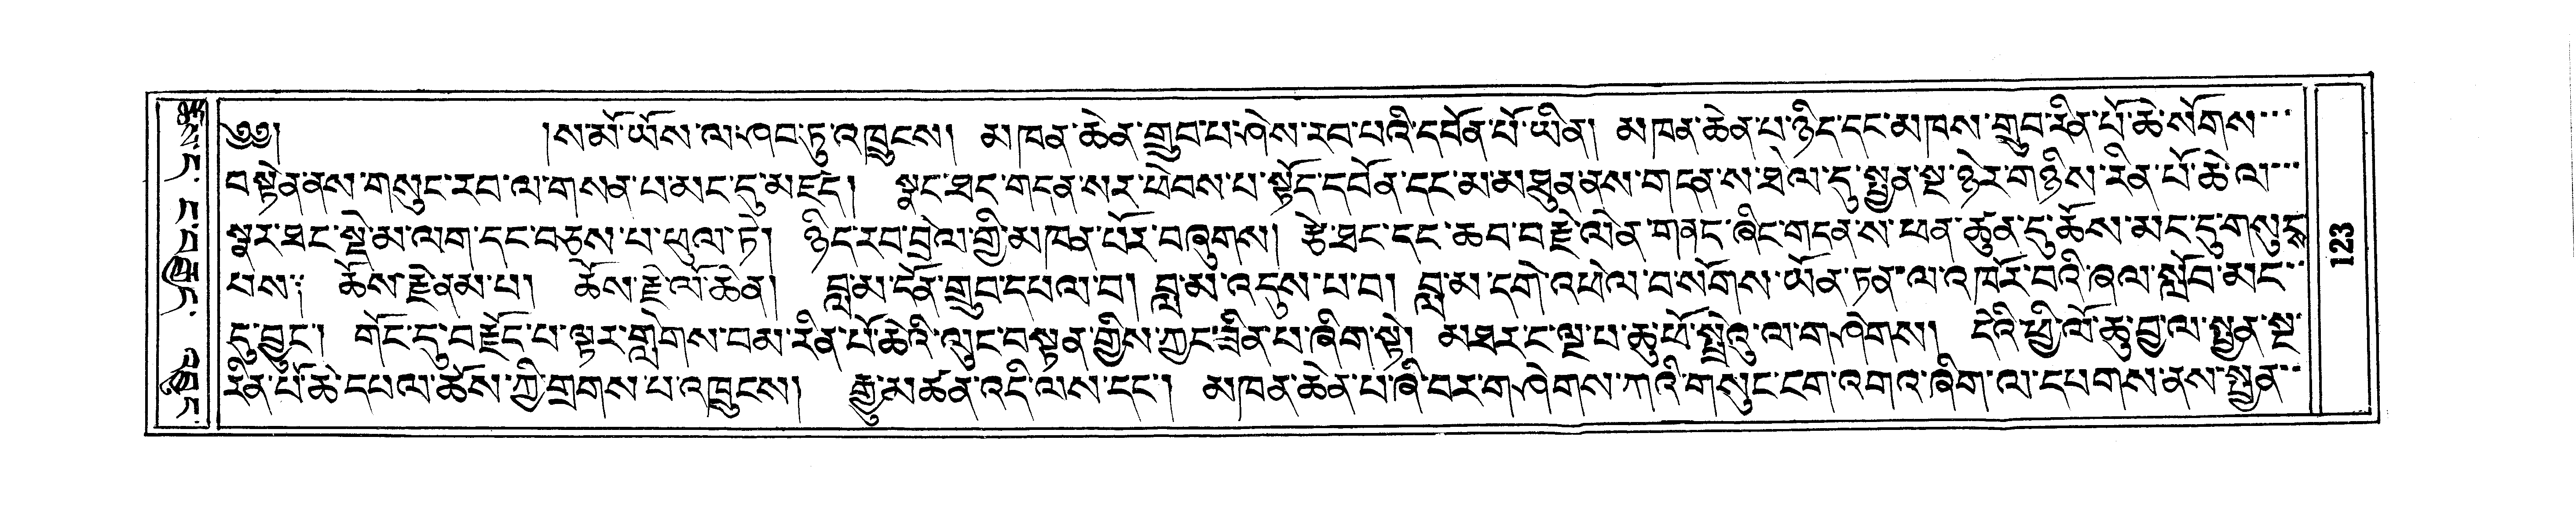༄༅། །ས་མོ་ཡོས་ལ་ཤབ་ཏུ་འཁྲུངས། མཁན་ཆེན་གྲུབ་པ་ཤེས་རབ་པའི་དབོན་པོ་ཡིན། མཁན་ཆེན་པ་ཉིད་དང་མཁས་གྲུབ་རིན་པོ་ཆེ་སོགས་
བསྟེན་ནས་གསུང་རབ་ལ་གསན་པ་མང་དུ་མཛད། སྣང་ཐང་གདན་སར་ཕེབས་པ་སྟོད་དབོན་དང་མ་མཐུན་ནས་གདན་ས་ཐེལ་དུ་སྤྱན་སྔ་ཉེར་གཉིས་རིན་པོ་ཆེ་ལ་
སྣར་ཐང་སྡེ་མ་ལག་དང་བཅས་པ་ཕུལ་ཏེ། ཉིད་རབ་བྲེལ་གྱི་མཁན་པོར་བཞུགས། རྩེ་ཐང་དང་ཆབ་བརྗེ་ལེན་གནང་ཞིང་གདན་ས་ཕན་ཚུན་དུ་ཆོས་མང་དུ་གསུངས་
པས༑ ཆོས་རྗེ་ནམ་པ། ཆོས་རྗེ་ལོ་ཆེན། བླ་མ་དོན་གྲུབ་དཔལ་བ། བླ་མ་འདུས་པ་བ། བླ་མ་དགེ་འཕེལ་བ་སོགས་ཡོན་ཏན་ལ་འཁོར་བའི་ཞལ་སློབ་མང་
དུ་བྱུང་། གོང་དུ་བརྗོད་པ་ལྟར་གླེགས་བམ་རིན་པོ་ཆེའི་ལུང་བསྟན་གྱིས་ཀྱང་ཟིན་པ་ཞིག་སྟེ། མཐར་ང་ལྔ་པ་ཆུ་ཕོ་སྤྲེའུ་ལ་གཤེགས། དེའི་ཕྱི་ལོ་ཆུ་བྱ་ལ་སྤྱན་སྔ་
རིན་པོ་ཆེ་དཔལ་ཆོས་ཀྱི་གྲགས་པ་འཁྲུངས། རྒྱུ་མཚན་འདི་ལས་དང་། མཁན་ཆེན་པ་ཞི་བར་གཤེགས་ཀའི་གསུང་ངག་འགའ་ཞིག་ལ་དཔགས་ནས་སྤྱན་